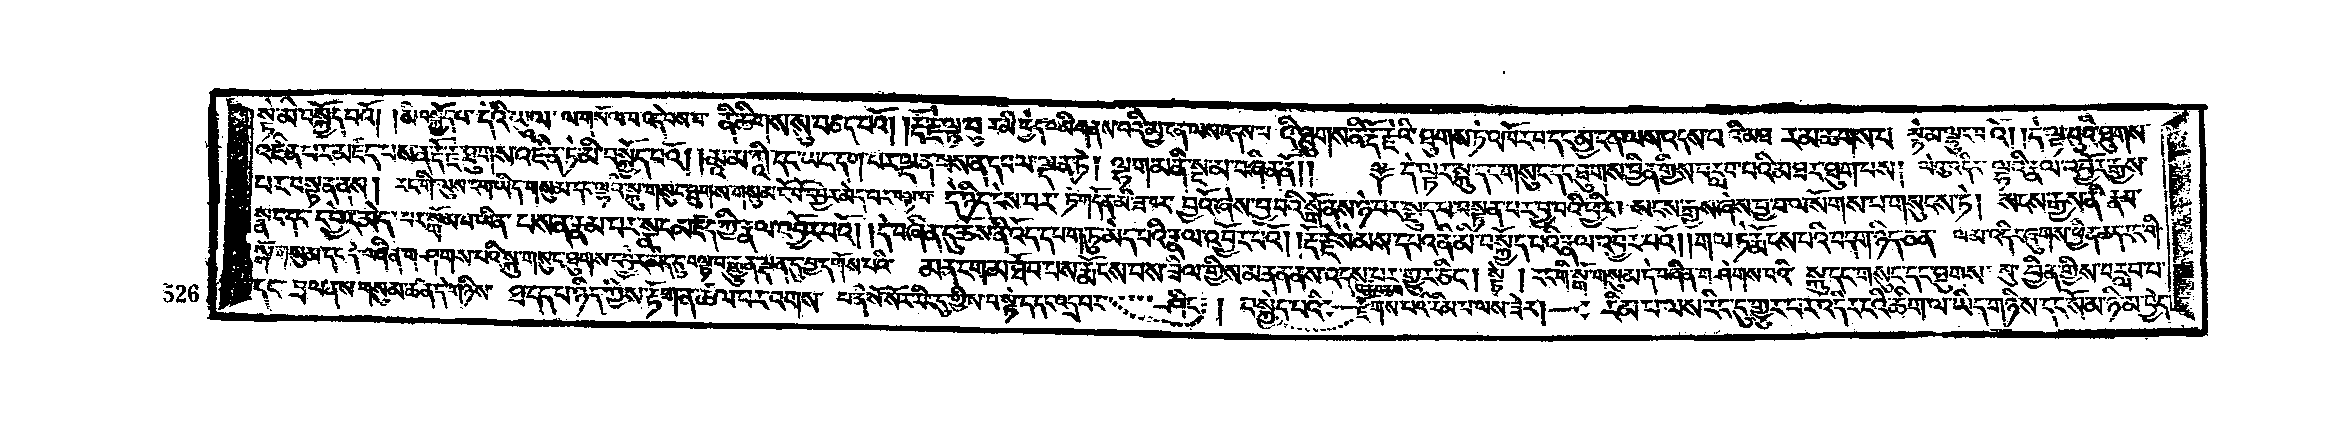སྟེ་མི་བསྐྱེད་པའོ། །མི་བསྱོད་པ་དེའི་ཡུལ་ལ་གསོལ་བ་འདེབས་པ་ནི་ཚིགས་སུ་བཅད་པའོ། །རྡོ་རྗེ་ལྟ་བུར་མི་ཕྱེད་པ་མོ་གནས་པའི་མྱ་ངན་ལས་འདས་པའི་ཐུགས་ནི་རྡོ་རྗེའི་ཐུགས་ཏེ་འཁོར་བ་དང་མྱང་ངན་ལས་འདས་པའི་མཐར་མ་ཆགས་པ་སྟེ་མ་ལྷུང་བའོ། །དེ་ལྟ་བུའི་ཐུགས་
འཛིན་པར་མཛད་པས་ན་རྡོ་རྗེ་ཐུགས་འཛིན་ཏེ་མི་བསྐྱོད་པའོ། །མཱ་མ་ཀཱ་དང་ཡང་དག་པར་ལྡན་པས་ན་དཔལ་ལྡན་ཏེ། ལྷག་མ་ནི་སྔ་མ་བཞིན་ནོ།། ༈ དེ་ལྟར་སྐུ་དང་གསུང་དང་ཐུགས་བྱིན་གྱིས་བརླབ་པའི་མཐར་ཐུག་པས། ལེའུ་འདིར་ལྷའི་རྣལ་འབྱོར་རྒྱས་
པར་བསྟན་ནས། རང་གི་ལུས་ངག་ཡིད་གསུམ་དང་ལྷའི་སྐུ་གསུང་གིས་གསུམ་ངོ་བོ་དབྱེར་མེད་པར་བལྟ་བ་དེ་ཉིད་ངེས་པར་གེ་གདོན་མི་ཟ་བར་བྱའོ་ཞེས་བྱ་བའི་སྒོ་ནས་ཉེ་བར་སྡུད་པ་བསྟན་པར་བྱ་བའི་ཕྱིར། སངས་རྒྱས་ཞེས་བྱ་བ་ལ་སོགས་པ་གསུངས་ཏེ། སངས་རྒྱས་ནི་ནམ་
སྣང་དང་དབྱེར་མེད་པར་སྒོམ་པ་ཡིན་པས་ན་རྣམ་པར་སྣང་མཛད་ཀྱི་རྣལ་འབྱོར་བའོ། །དེ་བཞིན་དུ་ཆོས་ནི་འོད་དཔག་ཏུ་མེད་པའི་རྣལ་འབྱོར་པའོ། །རྡོ་རྗེ་སེམས་དཔའ་ནི་མི་བསྐྱོད་པའི་རྣལ་འབྱོར་པའོ། །གལ་ཏེ་རྨོངས་པའི་བདག་ཉིད་ཅན་ལམ་འདིར་ཞུགས་ཕྱིན་ཆད་རང་གི་
སྒོ་གསུམ་དང་དེ་བཞིན་གཤེགས་པའི་སྐུ་གསུང་ཐུགས་དབྱེར་མེད་དུ་བལྟ་བ་རྒྱུན་ལྡན་དུ་བྱ་དགས་པའི་མན་ངག་མ་ཐོབ་པས་རྨོངས་པས་ཟིལ་གྱིས་མནན་ནས་འདས་པར་གྱུར་ཅིང་། སྟེ། རང་གི་སྒོ་གསུམ་དེ་བཞིན་གཤེགས་པའི་སྐུ་དང་གསུང་དང་ཐུགས་སུ་བྱིན་གྱིས་བརླབ་པ་
དང་བྲལ་ནས་གསུམ་ཆེན་དེ་ཉིས་ཐ་དད་པ་ཉིད་ཀྱིས་རྟོག་ན་ཚལ་བར་འགས་པ་ནི་སོ་སོར་རིང་དུ་གྱིས་པ་སྟེ་ད་དང་འདྲ་བར་ཤིང་། བསྐྱེད་པའི་H.རྫོགས་པའི་རིམ་པ་ལས་ཟེར། .Hརིམ་པ་ལས་རིན་དུ་གྱུར་པར་འདིར་ངའི་ཚིག་ལ་ཡིད་གཉིས་དང་སམ་ཉི་མ་བྱེད་